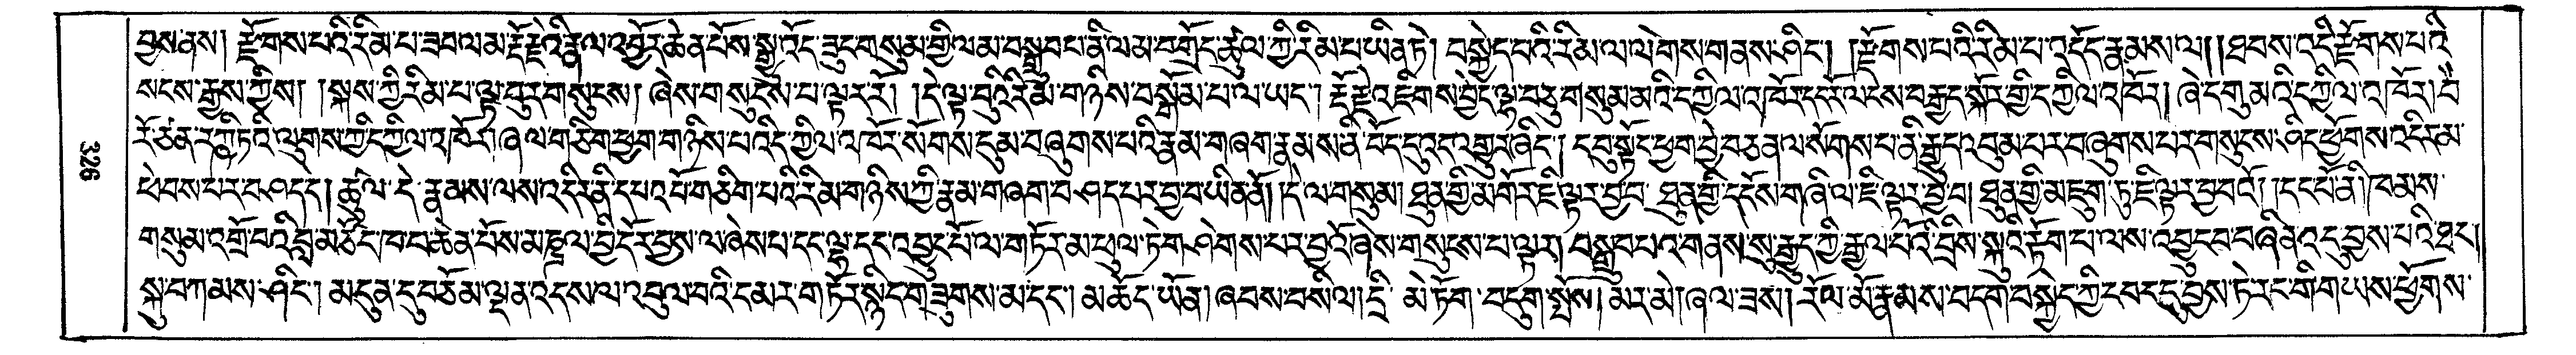བྱས་ནས། རྫོགས་པའི་རིམ་པ་ཟབ་ལམ་རྡོ་རྗེའི་རྣལ་འབྱོར་ཆེན་པོས་སྒྱུ་འོད་ཟེར་གསུམ་གྱི་ལམ་བསྒྲུབ་པ་ནི་ལམ་བགྲོད་ཚུལ་གྱི་རིམ་བ་ཡིན་ཏེ། བསྐྱེད་པའི་རིམ་ལ་ལེགས་གནས་ཤིང་། །རྫོགས་བའི་རིམ་པ་འདོད་རྣམས་ལ། །ཐབས་འདི་རྫོགས་པའི་
སངས་རྒྱས་ཀྱིས། །སྐས་ཀྱི་རིམ་པ་ལྟ་བུར་གསུངས། ཞེས་གསུངས་པ་ལྟར་རོ། །དེ་ལྟ་བུའི་རིམ་གཉིས་བསྒོམ་པ་ལ་ཡང་། རྡོ་རྗེ་འཇིགས་བྱེད་ལྷ་བཅུ་གསུམ་མའི་དཀྱིལ་འཁོར་དང་རོ་ལངས་བ་རྒྱད་སྐོར་གྱི་དཀྱིལ་འཁོར། ཞེ་དགུ་མའི་དཀྱིལ་འཁོར། བཻ་
རོ་ཙ་ན་རཥྐི་ཏའི་ལུགས་ཀྱི་དཀྱིལ་འཁོར། ཞལ་གཅིག་ཕྱག་གཉིས་པའི་དཀྱིལ་འཁོར་སོགས་དུ་མ་བཞུགས་པའི་རྣམ་བཞག་རྣམས་ནི་བོད་དུ་འང་འགྱུར་ཞིང་། དབུ་སྟོང་ཕྱག་བྱེ་བ་ཅན་ལ་སོགས་པ་ནི་རྒྱུད་འབུམ་པར་བཞུགས་བར་གསུངས་ཤིང་ཕྱོགས་འདིར་མ་
ཕེབས་པར་བཤད་དེ། ཚུལ་དེ་རྣམས་ལས་འདིར་ནི་དཔའ་བོ་གཅིག་པའི་རིམ་གཉིས་ཀྱི་རྣམ་གཞག་བཤད་པར་བྱ་བ་ཡིན་ནོ། །དེ་ལ་གསུམ། ཐུན་གྱི་མགོར་ཇི་ལྟར་བྱ། ཐུན་གྱི་དངོས་གཞི་ལ་ཇི་ལྟར་བྱ་བ། ཐུན་གྱི་མཇུག་ཏུ་ཇི་ལྟར་བྱ་བའོ། །དང་པོ་ནི། ཁམས་
གསུམ་འགྲོ་བའི་བླ་མ་ཙོང་ཁ་པ་ཆེན་པོས་མཎྜལ་བྱི་དོར་བྱས་ལ་ཞེས་པ་དང་ལྷ་དང་འབྱུང་པོ་ལ་གཏོར་མ་ཕུལ་ཏེ་གཤེགས་པར་བྱའོ་ཞེས་གསུངས་པ་ལྟར། བསྒྲུབ་པའི་གནས་སུ་རྒྱུད་ཀྱི་རྒྱལ་པོའི་བྲིས་སྐུའི་རྟོག་པ་ལས་འབྱུང་བ་བཞིན་འདུ་བྱས་པའི་ཐང་
སྐུ་བརྐྲམས་ཤིང་། མདུན་དུ་བཅོམ་ལྡན་འདས་ལ་འབུལ་བའི་དམར་གཏོང་སྙིང་གཟུགས་མ་དང་། མཆོད་ཡོན། ཞབས་བསིལ། དྲི༑ མེ་ཏོག། བདུད་སྤོས། མར་མེ། ཞལ་ཟས། རོལ་མོ་རྣམས་བདག་བསྐྱེད་ཀྱི་དབང་དུ་བྱས་ཏེ་རང་གི་གཡས་ཕྱོགས་